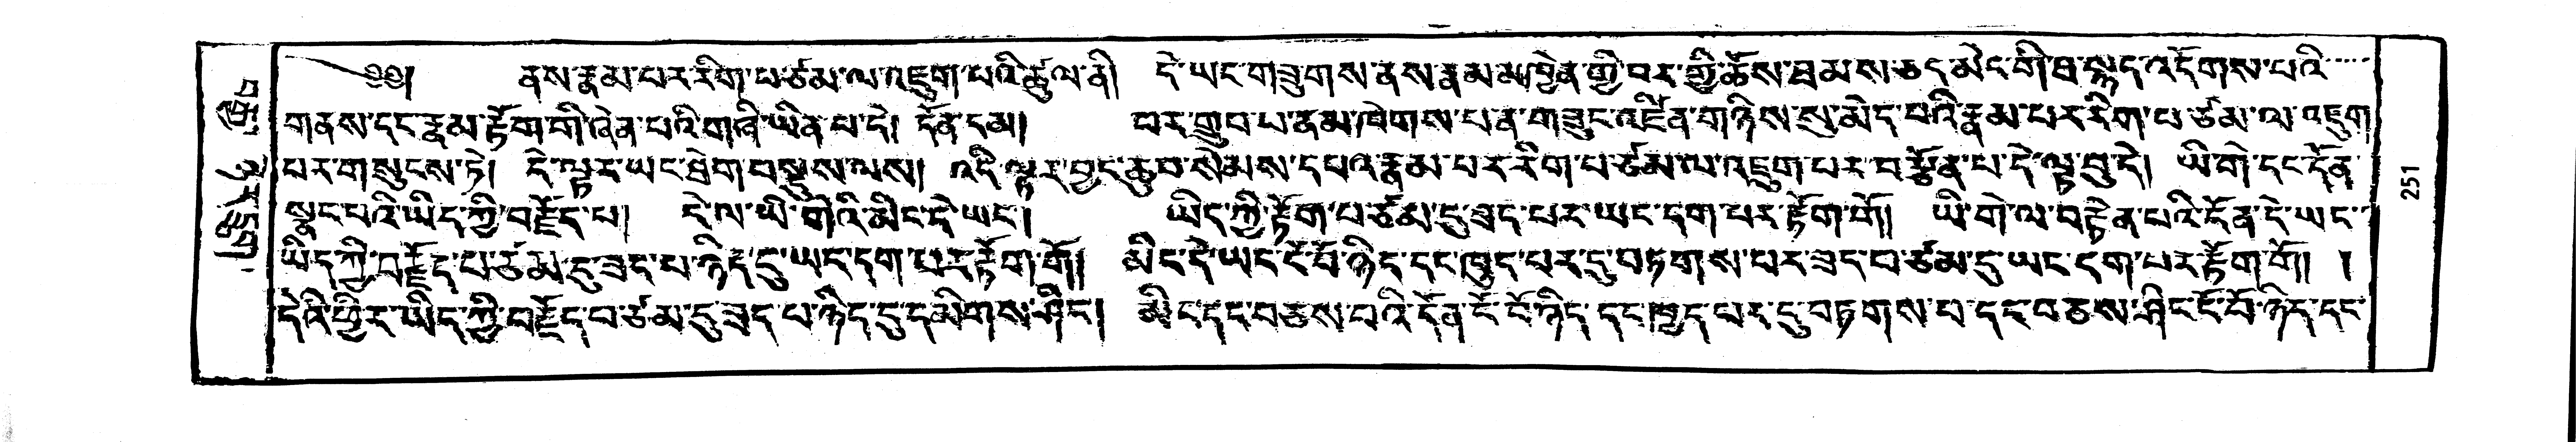༄༅། །ནས་རྣམ་པར་རིག་པ་ཙམ་ལ་འཇུག་པའི་ཚུལ་ནི། དེ་ཡང་གཟུགས་ནས་རྣམ་མཁྱེན་གྱི་བར་གྱི་ཆོས་ཐམས་ཅད་མིང་གི་ཐ་སྙད་འདོགས་པའི་
གནས་དང་རྣམ་རྟོག་གི་ཞེན་པའི་གཞི་ཡིན་པ་དེ། དོན་དམ། བར་གྲུབ་པ་ནམ་ཁེགས་པ་ན་གཟུང་འཛིན་གཉིས་སུ་མེད་པའི་རྣམ་པར་རིག་པ་ཙམ་ལ་འཇུག་
པར་གསུངས་ཏེ། དེ་ལྟར་ཡང་ཐེག་བསྡུས་ལས། འདི་ལྟར་བྱང་ཆུབ་སེམས་དཔའ་རྣམ་པར་རིག་པ་ཙམ་ལ་འཇུག་པར་བརྩོན་པ་དེ་ལྟ་བུ་དེ། ཡི་གེ་དང་དོན་
སྣང་བའི་ཡིད་ཀྱི་བརྗོད་པ། དེ་ལ་ཡི་གེའི་མིང་དེ་ཡང་། ཡིད་ཀྱི་རྟོག་པ་ཙམ་དུ་ཟད་པར་ཡང་དག་པར་རྟོག་གོ། ཡི་གེ་ལ་བརྟེན་པའི་དོན་དེ་ཡང་
ཡིད་ཀྱི་བརྗོད་པ་ཙམ་དུ་ཟང་པ་ཉིད་དུ་ཡང་དག་པར་རྟོག་གོ། མིང་དེ་ཡང་ངོ་བོ་ཉིད་དང་ཁུང་པར་དུ་བཏགས་པར་ཟད་པ་ཙམ་དུ་ཡང་དག་པར་རྟོག་གོ། །
དེའི་ཕྱིར་ཡིད་ཀྱི་བརྗོད་པ་ཙམ་དུ་ཟད་པ་ཉིད་དུ་དམིགས་ཤིང་། མིང་དང་བཅས་པའི་དོན་ངོ་བོ་ཉིད་དང་ཁྱད་པར་དུ་བཏགས་པ་དང་བཅས་ཤིང་ངོ་བོ་ཉིད་དང་